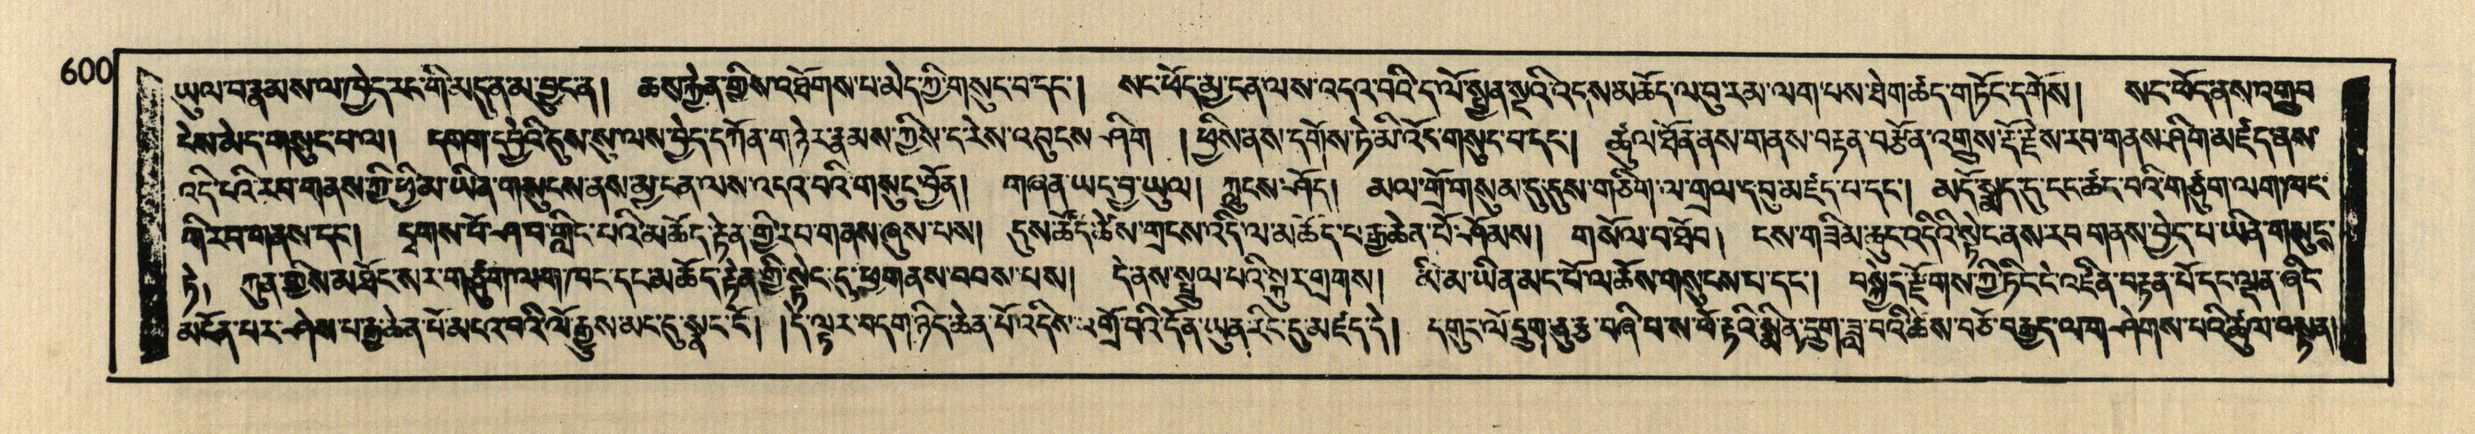ཡུལ་བ་རྣམས་ལ་ཁྱེད་རང་གི་མདུན་མ་བྱུང་ན། ཆས་རྐྱེན་གྱིས་འཐོགས་པ་མེད་ཀྱི་གསུང་བ་དང་། སང་ཕོད་མྱ་ངན་ལས་འདའ་བའི་ད་ལོ་སྤྱན་སྔའི་འདས་མཆོད་ལ་བུ་རམ་ལག་པས་ཐེག་ཚད་གཏོང་དགོས། སང་ཕོད་ནས་འགྲུབ་
ངེས་མེད་གསུང་བ་ལ། དགག་དབྱེའི་དུས་སུ་ལས་བྱེད་དཀོན་གཉེར་རྣམས་ཀྱིས་ད་རེས་འབུངས་ཤིག །ཕྱིས་ནས་དགོས་ཏེ་མི་འོང་གསུང་བ་དང་། ཚུལ་ཐོན་ནས་གནས་བརྟན་བརྩོན་འགྲུས་རྡོ་རྗེས་རབ་གནས་ཤིག་མཛད་ནས་
འདི་ངའི་རབ་གནས་ཀྱི་ཕྱི་མ་ཡིན་གསུངས་ནས་མྱ་ངན་ལས་འདའ་བའི་གསུང་བྱོན། གཞན་ཡང་བྱ་ཡུལ། ཀླུངས་ཤོད། མལ་གྲོ་གསུམ་དུ་དུས་གཅིག་ལ་གྲལ་དབུ་མཛད་པ་དང་། མདོ་སྨད་དུ་དང་ཚང་བའི་གཙུག་ལག་ཁང་
གི་རབ་གནས་དང་། དྭགས་པོ་ཤ་བ་གླིང་པའི་མཆོད་རྟེན་གྱི་རབ་གནས་ཞུས་པས། དུས་ཚོད་ཚེས་གྲངས་འདི་ལ་མཆོད་པ་རྒྱ་ཆེན་པོ་ཤོམས། གསོལ་བ་ཐོབ། ངས་གཟིམ་ཆུང་འདིའི་སྟེང་ནས་རབ་གནས་བྱེད་པ་ཡིན་གསུངས་
ཏེ། ཀུན་གྱིས་མཐོང་སར་གཙུག་ལག་ཁང་དང་མཆོད་རྟེན་གྱི་སྟེང་དུ་ཕྱག་ནས་བབས་པས། དེ་ནས་སྤྲུལ་པའི་སྐུར་གྲགས། མི་མ་ཡིན་མང་པོ་ལ་ཆོས་གསུངས་པ་དང་། བསྐྱེད་རྫོགས་ཀྱི་ཏིང་ངེ་འཛིན་བརྟན་པོ་དང་ལྡན་ཞིང་
མངོན་པར་ཤེས་པ་རྒྱ་ཆེན་པོ་མངའ་བའི་ལོ་རྒྱུས་མང་དུ་སྣང་ངོ། །དེ་ལྟར་བདག་ཉིད་ཆེན་པོ་འདིས་འགྲོ་བའི་དོན་ཡུན་རིང་དུ་མཛད་དེ། དགུང་ལོ་དྲུག་ཅུ་རྩ་བཞི་པ་ས་ཕོ་རྟའི་སྨིན་དྲུག་ཟླ་བའི་ཚེས་བཅོ་བརྒྱད་ལ་གཤེགས་པའི་ཚུལ་བསྟན།